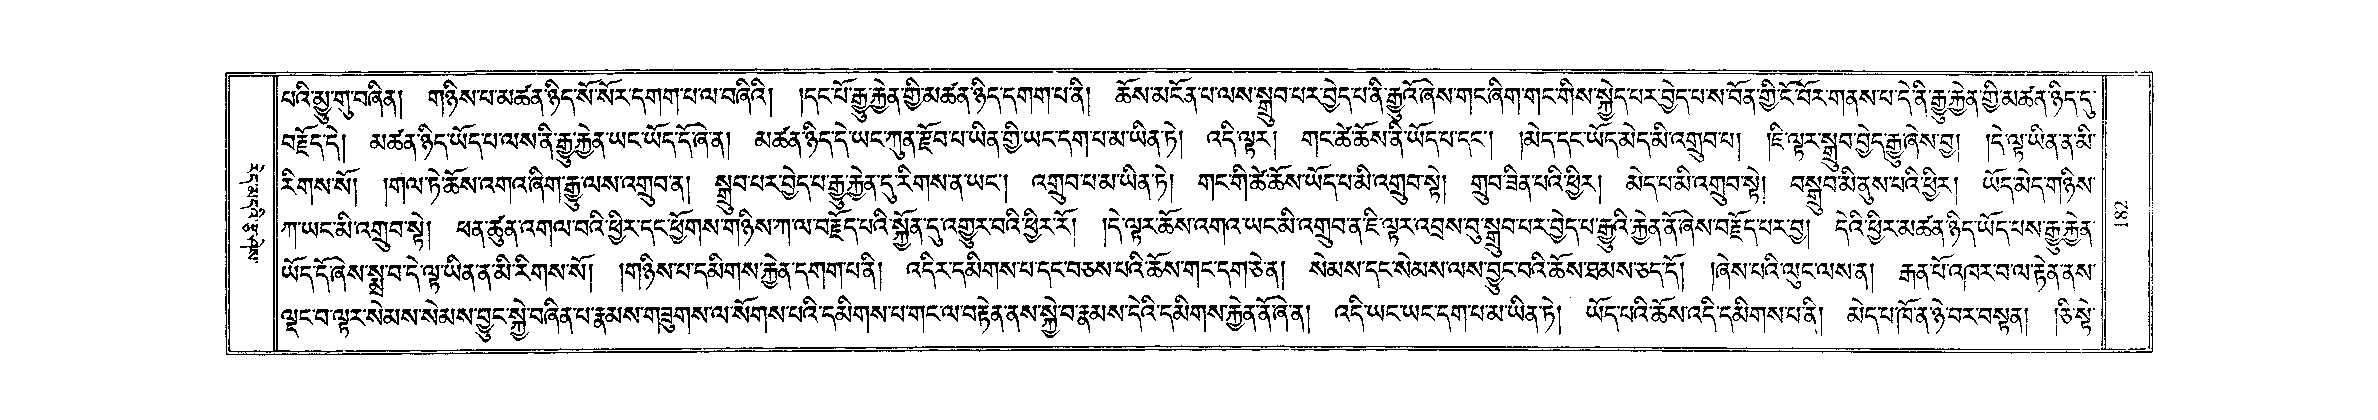པའི་མྱུ་གུ་བཞིན། གཉིས་པ་མཚན་ཉིད་སོ་སོར་དགག་པ་ལ་བཞིའི། །དང་པོ་རྒྱུ་རྐྱེན་གྱི་མཚན་ཉིད་དགག་པ་ནི། ཆོས་མངོན་པ་ལས་སྒྲུབ་པར་བྱེད་པ་ནི་རྒྱུའོ་ཞེས་གང་ཞིག་གང་གིས་སྐྱེད་པར་བྱེད་པ་ས་བོན་གྱི་ངོ་བོར་གནས་པ་དེ་ནི་རྒྱུ་རྐྱེན་གྱི་མཚན་ཉིད་དུ་
བརྗོད་དེ། མཚན་ཉིད་ཡོད་པ་ལས་ནི་རྒྱུ་རྐྱེན་ཡང་ཡོད་དོ་ཞེ་ན། མཚན་ཉིད་དེ་ཡང་ཀུན་རྫོབ་པ་ཡིན་གྱི་ཡང་དག་པ་མ་ཡིན་ཏེ། འདི་ལྟར། གང་ཚེ་ཆོས་ནི་ཡོད་པ་དང་། །མེད་དང་ཡོད་མེད་མི་འགྲུབ་པ། །ཇི་ལྟར་སྒྲུབ་བྱེད་རྒྱུ་ཞེས་བྱ། །དེ་ལྟ་ཡིན་ན་མི་
རིགས་སོ། །གལ་ཏེ་ཆོས་འགའ་ཞིག་རྒྱུ་ལས་འགྲུབ་ན། སྒྲུབ་པར་བྱེད་པ་རྒྱུ་རྐྱེན་དུ་རིགས་ན་ཡང་། འགྲུབ་པ་མ་ཡིན་ཏེ། གང་གི་ཚེ་ཆོས་ཡོད་པ་མི་འགྲུབ་སྟེ། གྲུབ་ཟིན་པའི་ཕྱིར། མེད་པ་མི་འགྲུབ་སྟེ། བསྒྲུབ་མི་ནུས་པའི་ཕྱིར། ཡོད་མེད་གཉིས་
ཀ་ཡང་མི་འགྲུབ་སྟེ། ཕན་ཚུན་འགལ་བའི་ཕྱིར་དང་ཕྱོགས་གཉིས་ཀ་ལ་བརྗོད་པའི་སྐྱོན་དུ་འགྱུར་བའི་ཕྱིར་རོ། །དེ་ལྟར་ཆོས་འགའ་ཡང་མི་འགྲུབ་ན་ཇི་ལྟར་འབྲས་བུ་སྒྲུབ་པར་བྱེད་པ་རྒྱུའི་རྐྱེན་ནོ་ཞེས་བརྗོད་པར་བྱ། དེའི་ཕྱིར་མཚན་ཉིད་ཡོད་པས་རྒྱུ་རྐྱེན་
ཡོད་དོ་ཞེས་སྨྲ་བ་དེ་ལྟ་ཡིན་ན་མི་རིགས་སོ། །གཉིས་པ་དམིགས་རྐྱེན་དགག་པ་ནི། འདིར་དམིགས་པ་དང་བཅས་པའི་ཆོས་གང་དག་ཅེ་ན། སེམས་དང་སེམས་ལས་བྱུང་བའི་ཆོས་ཐམས་ཅད་དོ། །ཞེས་པའི་ལུང་ལས་ན། རྒན་པོ་འཁོར་བ་ལ་བརྟེན་ནས་
ལྡང་བ་ལྟར་སེམས་སེམས་བྱུང་སྐྱེ་བཞིན་པ་རྣམས་གཟུགས་ལ་སོགས་པའི་དམིགས་པ་གང་ལ་བརྟེན་ནས་སྐྱེ་བ་རྣམས་དེའི་དམིགས་རྐྱེན་ནོ་ཞེ་ན། འདི་ཡང་ཡང་དག་པ་མ་ཡིན་ཏེ། ཡོད་པའི་ཆོས་འདི་དམིགས་པ་ནི། མེད་པ་ཁོ་ན་ཉེ་བར་བསྟན། །ཅི་སྟེ་